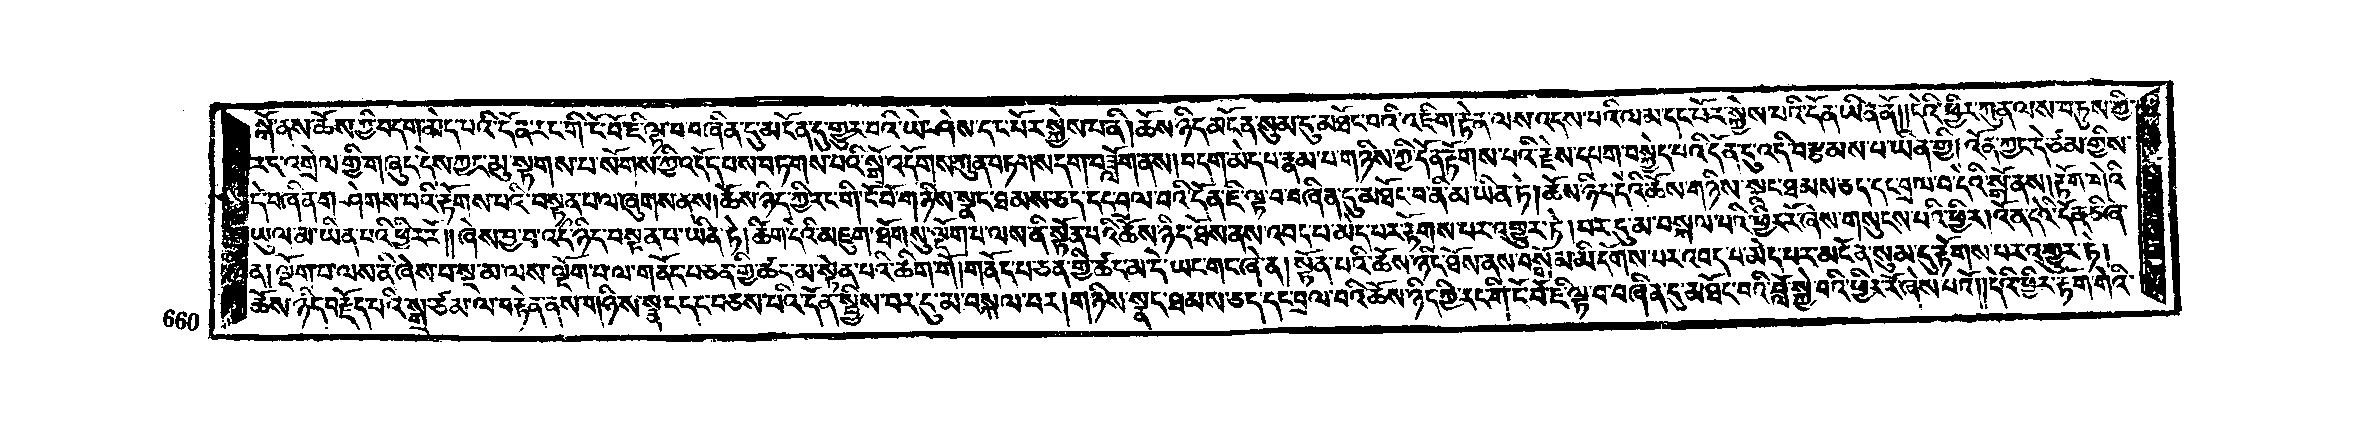སྒོ་ནས་ཆོས་ཀྱི་བདག་མེད་པའི་དོན་རང་གི་ངོ་བོ་ཇི་ལྟ་བ་བཞིན་དུ་མངོན་དུ་གྱུར་པའི་ཡེ་ཤེས་དང་པོར་སྐྱེས་པ་ནི། ཆོས་ཉིད་མངོན་སུམ་དུ་མཐོང་བའི་འཇིག་རྟེན་ལས་འདས་པའི་ལམ་དང་པོར་སྐྱེས་པའི་དོན་ཡིན་ནོ། །དེའི་ཕྱིར་ཀུན་ལས་བཏུས་ཀྱི་
རང་འགྲེལ་གྱི་གཞུང་དེས་ཀྱང་མུ་སྟེགས་པ་སོགས་ཀྱི་འདོད་པས་བཏགས་པའི་སྒྲོ་འདོགས་ཀུན་བཏགས་དག་བཟློག་ནས། བདག་མེད་པ་རྣམ་པ་གཉིས་ཀྱི་དོན་རྟོགས་པའི་རྗེས་དཔག་བསྐྱེད་པའི་དོན་དུ་འདི་བརྩམས་པ་ཡིན་གྱི། འོན་ཀྱང་དེ་ཙམ་གྱིས་
དེ་བཞིན་གཤེགས་པའི་རྟོགས་པའི་བསྟན་པ་ལ་ཞུགས་ནས། ཆོས་ཉིད་ཀྱི་རང་གི་ངོ་བོ་གཉིས་སྣང་ཐམས་ཅད་དང་བྲལ་བའི་དོན་ཇི་ལྟ་བ་བཞིན་དུ་མཐོང་བ་ནི་མ་ཡིན་ཏེ། ཆོས་ཉིད་དེའི་ཆོས་གཉིས་སྣང་ཐམས་ཅད་དང་བྲལ་བ་དེའི་སྒོ་ནས། རྟོག་གེའི་
ཡུལ་མ་ཡིན་པའི་ཕྱིར་རོ། །ཞེས་བྱ་བ་འདི་ཉིད་བསྟན་པ་ཡིན་ཏེ། ཚིག་དེའི་མཇུག་ཐོགས་སུ་ལྡོག་པ་ལས་ནི་སྟོན་པའི་ཆོས་ཉིད་ཐོས་ནས་འབད་པ་མེད་པར་རྟོགས་པར་འགྱུར་ཏེ། བར་དུ་མ་བསྐལ་པའི་ཕྱིར་རོ་ཞེས་གསུངས་པའི་ཕྱིར། འོ་ན་དེའི་དོན་ཅི་ཞེ་
ན༑ ལྡོག་པ་ལས་ནི་ཞེས་པ་སྔ་མ་ལས་ལྡོག་པ་ལ་གནོད་པ་ཅན་གྱི་ཚད་མ་སྟེན་པའི་ཚིག་གོ །གནོད་པ་ཅན་གྱི་ཚད་མ་དེ་ཡང་གང་ཞེ་ན། སྟོན་པའི་ཆོས་ཉིད་ཐོས་ནས་བསྒོམ་མི་དགོས་པར་འབད་པ་མེད་པར་མངོན་སུམ་དུ་རྟོགས་པར་འགྱུར་ཏེ།
ཆོས་ཉིད་བརྗོད་པའི་སྒྲ་ཙམ་ལ་བརྟེན་ནས་གཉིས་སྣང་དང་བཅས་པའི་དོན་སྤྱིས་བར་དུ་མ་བསྐལ་བར། གཉིས་སྣང་ཐམས་ཅད་དང་བྲལ་བའི་ཆོས་ཉིད་ཀྱི་རང་གི་ངོ་བོ་ཇི་ལྟ་བ་བཞིན་དུ་མཐོང་བའི་བློ་སྐྱེ་བའི་ཕྱིར་རོ་ཞེས་པའོ། །དེའི་ཕྱིར་རྟོག་གེའི་